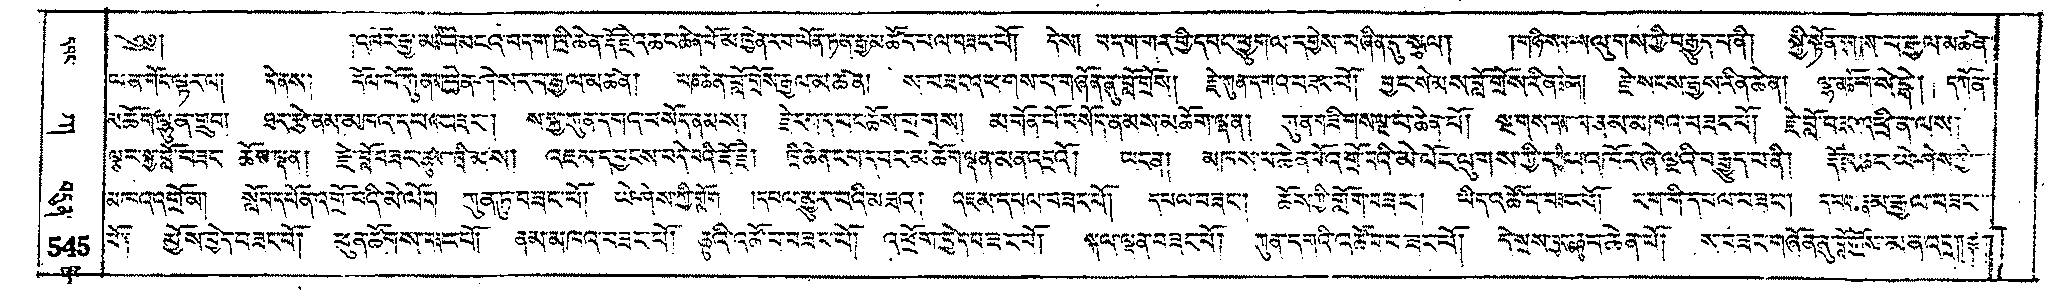༄༅། །འཁོར་རྒྱ་མཚོའི་མངའ་བདག་ཁྲི་ཆེན་རྡོ་རྗེ་འཆང་ཆེན་པོ་མཁྱེན་རབ་ཡོན་ཏན་རྒྱ་མཚོ་དཔལ་བཟང་པོ། དེས། བདག་གར་གྱི་དབང་ཕྱུག་ལ་དགྱེས་བཞིན་དུ་སྩལ། །གཉིས་པ་ས་ལུགས་ཀྱི་བརྒྱུད་པ་ནི། སྐྱི་སྟོན་གྲགས་པ་རྒྱལ་མཚན་
ཡན་གོང་ལྟར་ལ། དེ་ནས། དོལ་པོ་ཀུན་མཁྱེན་ཤེས་རབ་རྒྱལ་མཚན། པཎ་ཆེན་བློ་གྲོས་རྒྱལ་མཚན། ས་བཟང་འཕགས་པ་གཞོན་ནུ་བློ་གྲོས། རྗེ་ཀུན་དགའ་བཟང་པོ། བྱང་སེམས་བློ་གྲོས་རིན་ཆེན། རྗེ་སངས་རྒྱས་རིན་ཆེན། ལྷ་མཆོག་སེངྒེ། །དཀོན་
མཆོག་ལྷུན་གྲུབ། ཐར་རྩེ་ནམ་མཁའ་དཔལ་བཟང་། ས་སྐྱ་ཀུན་དགའ་བསོད་ནམས། རྗེ་ངག་དབང་ཆོས་གྲགས། མགོན་པོ་བསོད་ནམས་མཆོག་ལྡན། ཀུན་གཟིགས་ལྔ་པ་ཆེན་པོ། སྔགས་རམ་པ་ནམ་མཁའ་བཟང་པོ། རྗེ་བློ་བཟང་འཕྲིན་ལས།
ལྕང་སྐྱ་བློ་བཟང་ཆོས་ལྡན། རྗེ་བློ་བཟང་ཚུལ་ཁྲིམས། འཇམ་དབྱངས་བདེ་བའི་རྡོ་རྗེ། ཁྲི་ཆེན་ངག་དབང་མཆོག་ལྡན་མན་འདྲའོ། ཡང་ན། མཁས་པ་ཆེན་པོ་འགྲོ་བའི་མེ་ལོང་ལུགས་ཀྱི་དཀྱིལ་འཁོར་ཞེ་ལྔའི་བརྒྱུད་པ་ནི། རྡོ་རྗེ་འཆང་ཡེ་ཤེས་ཀྱི་
མཁའ་འགྲོ་མ། སློབ་དཔོན་འགྲོ་བའི་མེ་ལོང་། ཀུན་ཏུ་བཟང་པོ། ཡེ་ཤེས་ཀྱི་གློག །དཔལ་མྱུར་བའི་མཐའ། འཇམ་དཔལ་བཟང་པོ། དཔལ་བཟང་། ཆོས་ཀྱི་གློག་བཟང་། ཡིད་འཚོ་བ་བཟང་པོ། ངག་གི་དཔལ་བཟང་། དཔལ་རྣམ་རྒྱལ་བཟང་
པོ༑ མྱོས་བྱེད་བཟང་པོ། ཕུན་ཚོགས་བཟང་པོ། ནམ་མཁའ་བཟང་པོ། ཆུའི་འཚོ་བ་བཟང་པོ། འཕྲོག་བྱེད་བཟང་པོ། སྐལ་ལྡན་བཟང་པོ། ཀུན་དགའི་འཚོ་བ་བཟང་པོ། དེ་སྲས་བྱང་ཆུབ་ཆེན་པོ། ས་བཟང་གཞོན་ནུ་བློ་གྲོས་མན་འདྲ།།འ།